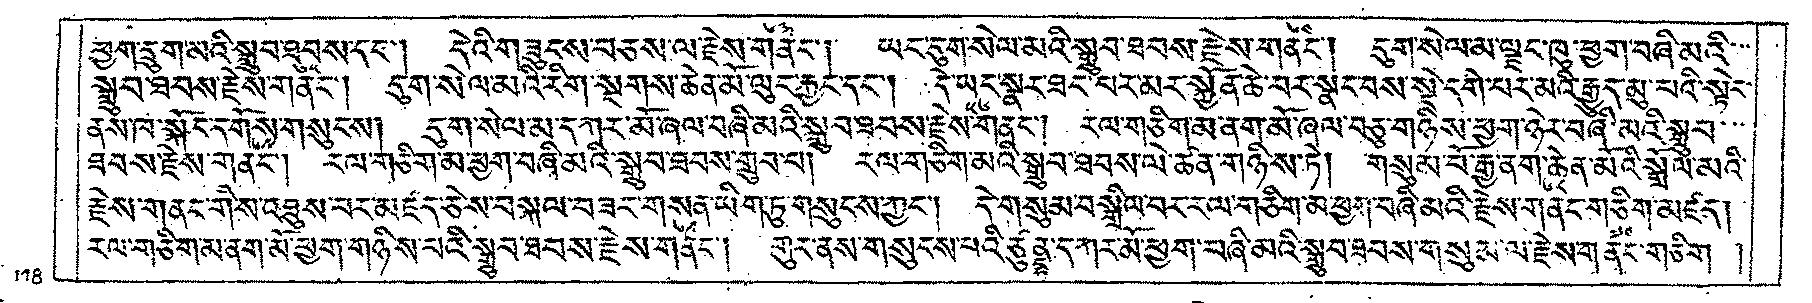ཕྱག་དྲུག་མའི་སྒྲུབ་ཐབས་དང་། དེའི་གཟུངས་བཅས་ལ་རྗེས་གནང ༦༣། ཡང་དུག་སེལ་མའི་སྒྲུབ་ཐབས་རྗེས་གནང ༦༤། དུག་སེལ་མ་ལྗང་ཁུ་ཕྱག་བཞི་མའི་
སྒྲུབ་ཐབས་རྗེས་གནང ༦༥། དུག་སེལ་མའི་རིག་སྔགས་ཆེན་མོ་ལུང་རྐྱང་དང་། དེ་ཡང་སྣར་ཐང་པར་མར་སྐྱོན་ཆེ་བར་སྣང་བས་སྡེ་དགེ་པར་མའི་རྒྱུད་མུ་པའི་སྟེང་
ནས་ཁ་སྐོང་དགོས་གསུངས། དུག་སེལ་མ་དཀར་མོ་ཞལ་བཞི་མའི་སྒྲུབ་ཐབས་རྗེས་གནང ༥༦། རལ་གཅིག་མ་ནག་མོ་ཞལ་བཅུ་གཉིས་ཕྱག་ཉེར་བཞི་མའི་སྒྲུབ་
ཐབས་རྗེས་གནང ༦༧། རལ་གཅིག་མ་ཕྱག་བཞི་མའི་སྒྲུབ་ཐབས་གྲུབ་པ། རལ་གཅིག་མའི་སྒྲུབ་ཐབས་ལེ་ཚན་གཉིས་ཏེ། གསུམ་པོ་རྒྱ་ནག་ཆེན་མོའི་སྒྲོལ་མའི་
རྗེས་གནང་གིས་འཐུས་པར་མཛད་ཅེས་བསྐལ་བཟང་གསན་ཡིག་ཏུ་གསུངས་ཀྱང་། དེ་གསུམ་བསྒྲིལ་བར་རལ་གཅིག་མ་ཕྱག་བཞི་མའི་རྗེས་གནང ༦༨་གཅིག་མཛད།
རལ་གཅིག་མ་ནག་མོ་ཕྱག་གཉིས་པའི་སྒྲུབ་ཐབས་རྗེས་གནང ༦༩། གུར་ནས་གསུངས་པའི་ཙུནྡྷ་དཀར་མོ་ཕྱག་བཞི་མའི་སྒྲུབ་ཐབས་གསུམ་ལ་རྗེས་གནང ༧༠་གཅིག་